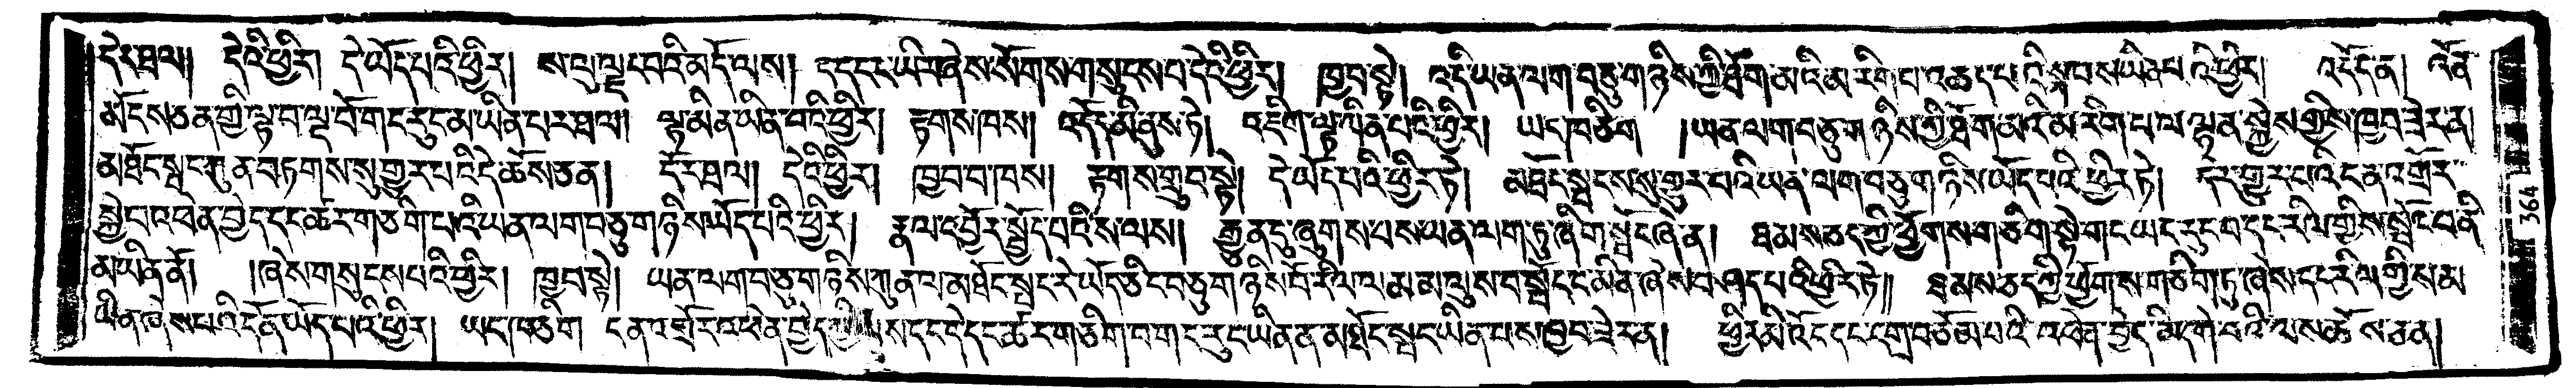དེར་ཐལ། དེའི་ཕྱིར། དེ་ཡོད་པའི་ཕྱིར། ས་ལུ་ལྗང་བའི་མདོ་ལས། ང་དང་ང་ཡིར་ཞེས་སོགས་གསུངས་པ་དེའི་ཕྱིར། ཁྱབ་སྟེ། འདི་ཡན་ལག་བཅུ་གཉིས་ཀྱི་ཐོག་མའི་མ་རིག་པ་འཆད་པའི་སྐབས་ཡིན་པའི་ཕྱིར། འདོད་ན། འོན་
མོངས་ཅན་གྱི་ལྟ་བ་ལྔ་པོ་གང་རུང་མ་ཡིན་པར་ཐལ། ལྟ་མིན་ཡིན་པའི་ཕྱིར། རྟགས་ཁས། འདོད་མི་ནུས་ཏེ། འཇིག་ལྟ་ཡིན་པའི་ཕྱིར། ཡང་ཁ་ཅིག །ཡན་ལག་བཅུ་གཉིས་ཀྱི་ཐོག་མའི་མ་རིག་པ་ལ་ལྷན་སྐྱེས་གྱིས་ཁྱབ་ཟེར་ན།
མཐོང་སྤང་ཀུན་བཏགས་སུ་གྱུར་པའི་དེ་ཆོས་ཅན། དེར་ཐལ། དེའི་ཕྱིར། ཁྱབ་པ་ཁས། རྟགས་གྲུབ་སྟེ། དེ་ཡོད་པའི་ཕྱིར་ཏེ། མཐོང་སྤངས་སུ་གྱུར་བའི་ཡན་ལག་བཅུ་གཉིས་ཡོད་པའི་ཕྱིར་ཏེ། དེར་གྱུར་པའི་ངན་འགྲོར་
སྐྱེ་བ་འཕེན་བྱེད་དང་ཚར་གཅིག་པའི་ཡན་ལག་བཅུ་གཉིས་ཡོད་པའི་ཕྱིར། རྣལ་འབྱོར་སྤྱོད་པའི་ས་ལས། རྒྱུན་དུ་ཞུགས་པས་ཡན་ལག་ཏུ་ཞིག་སྤོང་ཞེ་ན། ཐམས་ཅད་ཀྱི་ཕྱོགས་གཅིག་སྟེ་གང་ཡང་རུང་བ་དང་རིལ་གྱིས་སྤོང་བ་ནི་
མ་ཡིན་ནོ། །ཞེས་གསུངས་པའི་ཕྱིར། ཁྱབ་སྟེ། ཡན་ལག་བཅུ་གཉིས་ཀུན་ལ་མཐོང་སྤང་རེ་ཡོད་ཅིང་བཅུ་གཉིས་པོ་རིལ་ལམ་མ་ལུས་པ་སྤོང་བ་མིན་ཞེས་བཤད་པའི་ཕྱིར་ཏེ།། ཐམས་ཅད་ཀྱི་ཕྱོགས་གཅིག་ཏུ་ཞེས་དང་རིལ་གྱི་ས་མ་
ཡིན་ཞེས་པའི་དོན་ཡོད་པའི་ཕྱིར། ཡང་ཁ་ཅིག་ངན་འགྲོར་འཕེན་བྱེད་ཀྱི་ལས་དང་དེ་དང་ཚར་གཅིག་པ་གང་རུང་ཡིན་ན་མཐོང་སྤང་ཡིན་པས་ཁྱབ་ཟེར་ན། ཕྱིར་མི་འོང་དང་དགྲ་བཅོམ་པའི་འཕེན་བྱེད་མི་དགེ་བའི་ལས་ཆོས་ཅན།